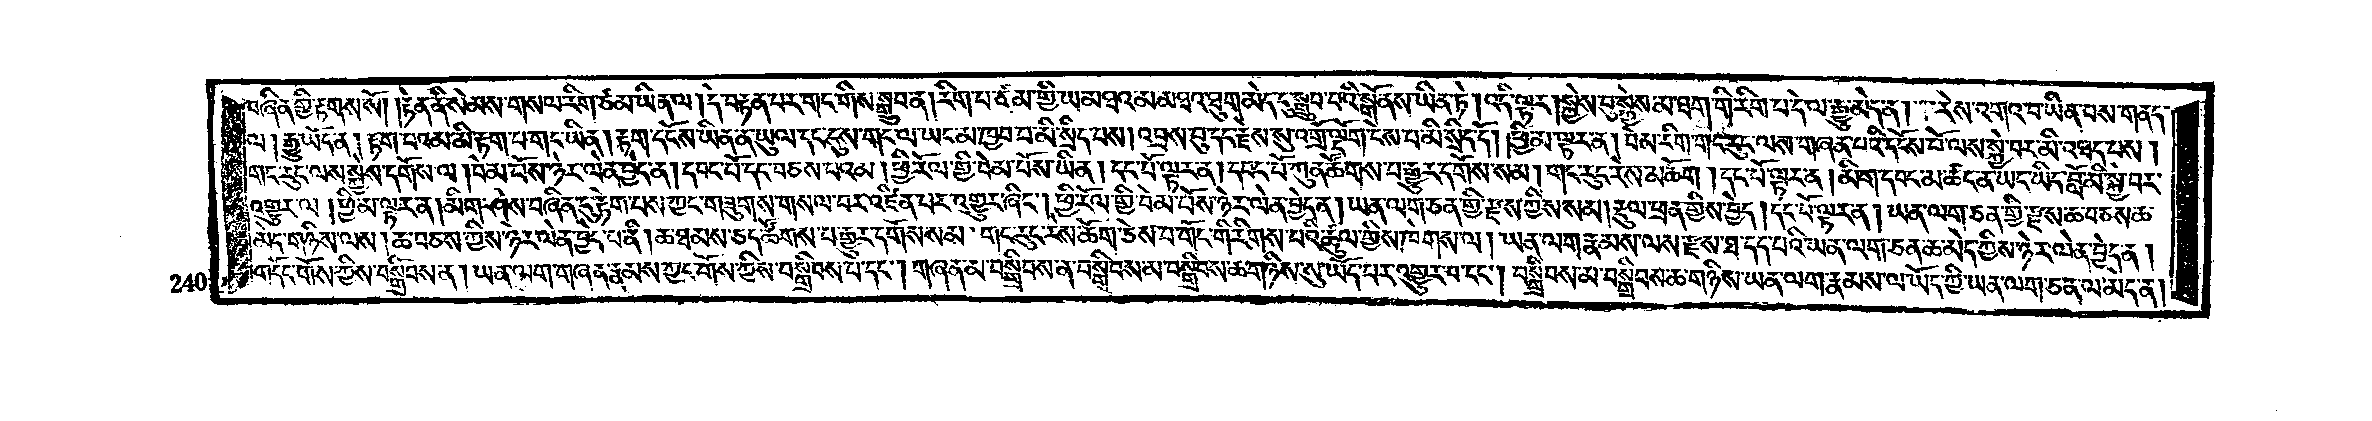བཞིན་གྱི་རྟགས་སོ། །རྟེན་ནི་སེམས་གསལ་རིག་ཙམ་ཡིན་ལ། དེ་བརྟན་པར་གང་གིས་སྒྲུབ་ན། རིག་པ་ཙམ་གྱི་ཡ་མཐའ་མ་མཐའ་ཐུག་མེད་དུ་སྒྲུབ་པའི་སྒོ་ནས་ཡིན་ཏེ། འདི་ལྟར། སྐྱེས་བུ་སྐྱེས་མ་ཐག་གི་རིག་པ་དེ་ལ་རྒྱུ་མེད་ན། རེས་འགའ་བ་ཡིན་པས་གནད་
ལ། རྒྱུ་ཡོད་ན། རྟག་པའམ་མི་རྟག་པ་གང་ཡིན། རྟག་དངོས་ཡིན་ན་ཡུལ་དང་དུས་གང་ལ་ཡང་མ་ཁྱབ་པ་མི་སྲིད་པས། འབྲས་བུ་དང་རྗེས་སུ་འགྲོ་ལྡོག་ངེས་པ་མི་སྲིད་དོ། །ཕྱི་མ་ལྟར་ན། བེམ་རིག་གང་རུང་ལས་གཞན་པའི་དངོས་པོ་ལས་སྐྱེ་བར་མི་འཐད་པས།
གང་རུང་ལས་སྐྱེས་དགོས་ལ། བེམ་པོས་ཉེར་ལེན་བྱེད་ན། དབང་པོ་དང་བཅས་པའམ། ཕྱི་རོལ་གྱི་བེམ་པོས་ཡིན། དང་པོ་ལྟར་ན། དབང་པོ་ཀུན་ཚོགས་པ་རྒྱུར་དགོས་སམ། གང་རུང་རེས་མཆོག །དང་པོ་ལྟར་ན། མིག་དབང་མ་ཚང་ན་ཡང་ཡིད་བློ་མི་སྐྱེ་བར་
འགྱུར་ལ། ཕྱི་མ་ལྟར་ན། མིག་ཤེས་བཞིན་དུ་རྟོག་པས་ཀྱང་གཟུགས་གསལ་བར་འཛིན་པར་འགྱུར་ཞིང་།ཕྱི་རོལ་གྱི་བེམ་པོས་ཉེར་ལེན་བྱེད་ན། ཡན་ལག་ཅན་གྱི་རྫས་ཀྱིས་སམ། རྡུལ་ཕྲན་གྱིས་བྱེད། དང་པོ་ལྟར་ན། ཡན་ལག་ཅན་གྱི་རྫས་ཆ་བཅས་ཆ་
མེད་གཉིས་ལས། ཆ་བཅས་ཀྱིས་ཉེར་ལེན་བྱེད་པ་ནི། ཆ་ཐམས་ཅད་ཚོགས་པ་རྒྱུར་དགོས་སམ། གང་རུང་རེས་ཆོག་ཅེས་པ་གོང་གི་རིགས་པའི་ཚུལ་གྱིས་ཁེགས་ལ། ཡན་ལག་རྣམས་ལས་རྫས་ཐ་དད་པའི་ཡན་ལག་ཅན་ཆ་མེད་ཀྱིས་ཉེར་ལེན་བྱེད་ན།
གདོང་གོས་ཀྱིས་བསྒྲིབས་ན། ཡན་ལག་གཞན་རྣམས་ཀྱང་གོས་ཀྱིས་བསྒྲིབས་པ་དང་།གཞན་མ་བསྒྲིབས་ན་བསྒྲིབས་མ་བསྒྲིབས་ཆ་གཉིས་སུ་ཡོད་པར་འགྱུར་བ་དང་།བསྒྲིབས་མ་བསྒྲིབས་ཆ་གཉིས་ཡན་ལག་རྣམས་ལ་ཡོད་ཀྱི་ཡན་ལག་ཅན་ལ་མེད་ན།